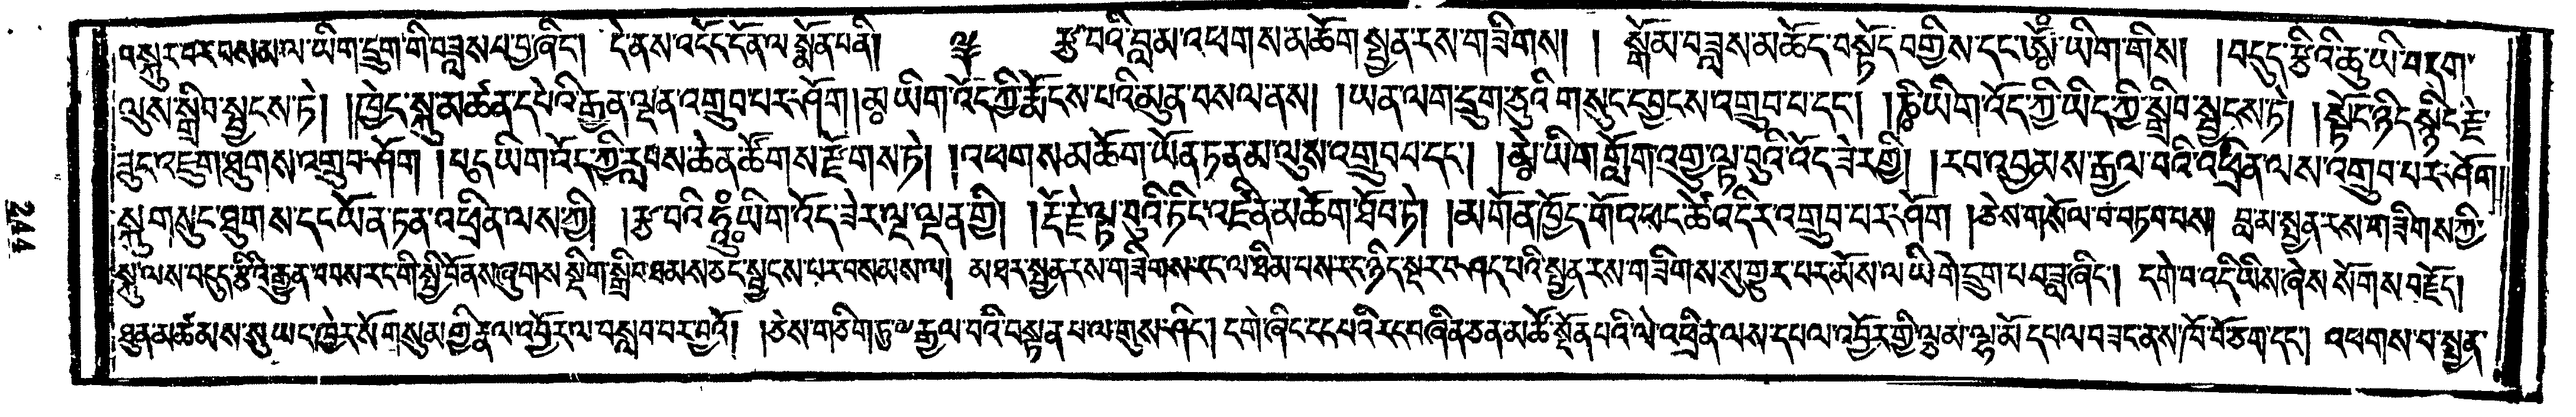བསྐུར་བར་བསམ་ལ་ཡིག་དྲུག་གི་བཟླས་པ་བྱ་ཞིང་། དེ་ནས་འདོད་དོན་ལ་སྨོན་བ་ནི། ༈ རྩ་བའི་བླ་མ་འཕགས་མཆོག་སྤྱན་རས་གཟིགས། །སྒོམ་བཟླས་མཆོད་བསྟོད་བགྱིས་དང་ཨོཾ་ཡིག་གིས། །བདུད་རྩིའི་ཆུ་ཡི་བདག་
ལུས་སྒྲིབ་སྦྱངས་ཏེ། །ཁྱེད་སྐུ་མཚན་དཔེའི་རྒྱན་ལྡན་འགྲུབ་པར་ཤོག །མ་ཡིག་འོད་ཀྱི་རྨོངས་པའི་མུན་བསལ་ནས། །ཡན་ལག་དྲུག་ཅུའི་གསུང་དབྱངས་འགྲུབ་པ་དང་། །ཎི་ཡིག་འོད་ཀྱི་ཡིད་ཀྱི་སྒྲིབ་སྦྱངས་ཏེ། །སྟོང་ཉིད་སྙིང་རྗེ་
ཟུང་འཇུག་ཐུགས་འགྲུབ་ཤོག །པད་ཡིག་འོད་ཀྱི་རླབས་ཆེན་ཚོགས་རྫོགས་ཏེ། །འཕགས་མཆོག་ཡོན་ཏན་མ་ལུས་འགྲུབ་པ་དང་། །མེ་ཡིག་གློག་འགྱུ་ལྟ་བུའི་འོད་ཟེར་གྱི། །རབ་འབྱམས་རྒྱལ་བའི་འཕྲིན་ལས་འགྲུབ་པར་ཤོག།
སྐུ་གསུང་ཐུགས་དང་ཡོན་ཏན་འཕྲིན་ལས་ཀྱི། །རྩ་བའི་ཧཱུཾ་ཡིག་འོད་ཟེར་ལྔ་ལྡན་གྱི། །རྡོ་རྗེ་ལྟ་བུའི་ཏིང་འཛིན་མཆོག་ཐོབ་ཏེ། །མགོན་ཁྱོད་གོ་འཕང་ཚེ་འདིར་འགྲུབ་པར་ཤོག །ཅེས་གསོལ་བ་བཏབ་པས། བླ་མ་སྤྱན་རས་གཟིགས་ཀྱི་
སྐུ་ལས་བདུད་རྩིའི་རྒྱུན་བབས་རང་གི་སྤྱི་བོ་ནས་ཞུགས་སྡིག་སྒྲིབ་ཐམས་ཅད་སྦྱངས་པར་བསམས་ལ། མཐར་སྤྱན་རས་གཟིགས་རང་ལ་ཐིམ་པས་རང་ཉིད་སྔར་བཤད་པའི་སྤྱན་རས་གཟིགས་སུ་གྱུར་པར་མོས་ལ་ཡི་གེ་དྲུག་པ་བཟླ་ཞིང་། དགེ་བ་འདི་ཡིས་ཞེས་སོགས་བརྗོད།
ཐུན་མཚམས་སུ་ཡང་ཁྱེར་སོ་གསུམ་གྱི་རྣལ་འབྱོར་ལ་བསླབ་པར་བྱའོ། །ཅེས་གཅིག་ཏུ་༧་རྒྱལ་བའི་བསྟན་པ་ལ་གུས་ཤིང་། དགེ་ཞིང་ངང་པའི་རང་བཞིན་ཅན་མཚོ་སྔོན་པའི་ལེ་འཕྲིན་ལས་དཔལ་འབྱོར་གྱི་ལྕམ་ལྷ་མོ་དཔལ་བཟང་ནས་ཁོ་བོ་ཅག་དང་། འཕགས་བ་སྤྱན་